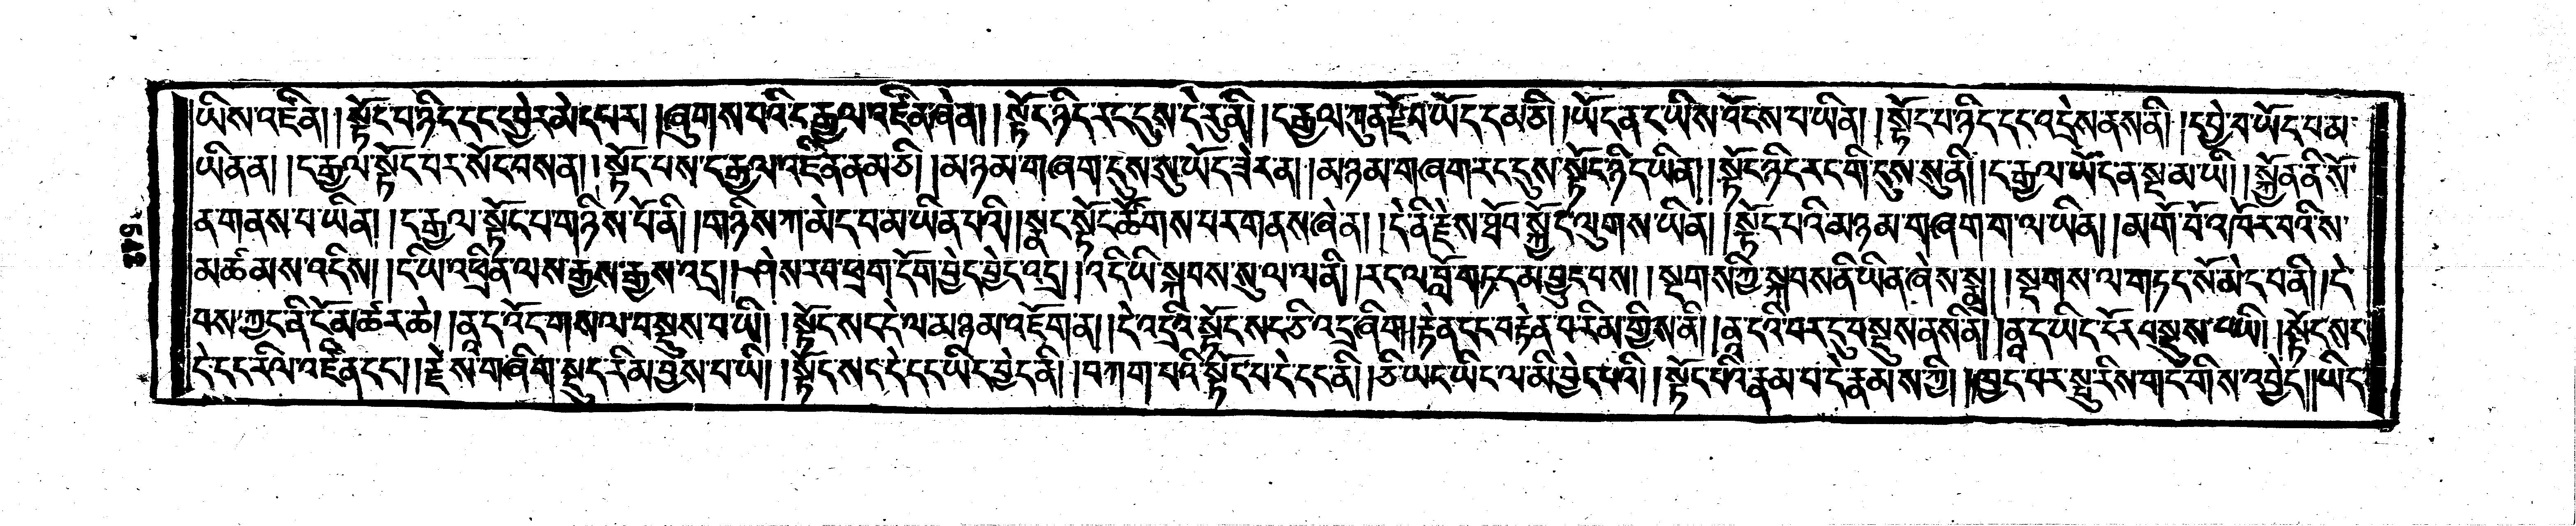ཡིས་འཛིན། །སྟོང་པ་ཉིད་དང་དབྱེར་མེད་པར། །ཞུགས་པའི་ང་རྒྱལ་འཛིན་ཞེ་ན། །སྟོང་ཉིད་རང་དུས་དེ་རུ་ནི། །ང་རྒྱལ་ཀུན་རྫོབ་ཡོད་དམ་ཅི། །ཡོད་ན་ང་ཡིས་འོངས་པ་ཡིན། །སྟོང་པ་ཉིད་དང་འདྲེས་ནས་ནི། །དབྱེ་བ་ཡོད་པ་མ་
ཡིན་ན། །ང་རྒྱལ་སྟོང་པར་སོང་བས་ན། །སྟོང་པས་ང་རྒྱལ་འཛིན་ནམ་ཅི། །མཉམ་གཞག་དུས་སུ་ཡོད་ཟེར་ན། །མཉམ་གཞག་རང་དུས་སྟོང་ཉིད་ཡིན། །སྟོང་ཉིད་རང་གི་དུས་སུ་ནི། །ང་རྒྱལ་ཡོད་ན་སྔ་མ་ཡི། །སྐྱོན་ནི་སོ་
ན་གནས་པ་ཡིན། །ང་རྒྱལ་སྟོང་པ་གཉིས་པོ་ནི། །གཉིས་ཀ་མེད་པ་མ་ཡིན་པའི། །སྣང་སྟོང་ཚོགས་པར་གནས་ཞེ་ན། །དེ་ནི་རྗེས་ཐོབ་སྐྱོང་ལུགས་ཡིན། །སྟོང་པའི་མཉམ་གཞག་ག་ལ་ཡིན། །མགོ་བོ་འཁོར་བའི་ས་
མཚམས་འདིས། །ང་ཡི་འཕྲིན་ལས་རྒྱས་རྒྱས་འདྲ། །ཤེས་རབ་ཕྲག་དོག་བྱེད་བྱེད་འདྲ། །འདི་ཡི་སྐབས་སུ་ལ་ལ་ནི། །རང་ལ་བློ་གཏད་མ་བྱུང་བས། །།སྔགས་ཀྱི་སྐབས་ནི་ཡིན་ཞེས་སྨྲ། །སྔགས་ལ་གཏད་སོ་མེད་པ་ནི། །དེ་
བས་ཀྱང་ནི་ངོ་མ་ཚར་ཆེ། །ནཱ་འོད་གསལ་བསྡུས་པ་ཡི། །སྟོང་ས་དེ་ལ་མཉམ་འཇོག་ན། །དེ་འདྲའི་སྟོང་སང་ཅི་འདྲ་ཞིག། རྟེན་དང་བརྟེན་པ་རིམ་གྱིས་ནི། །ནཱ་དའི་བར་དུ་བསྡུས་ནས་ནི། །ནཱ་ད་ཡིད་ངོར་བསྡུས་པ་ཡི། །སྟོང་སང་
དེ་དང་རིལ་འཛིན་དང་། །རྗེས་གཞིག་སྡུད་རིམ་བྱས་པ་ཡི། །སྟོང་སང་དེ་དང་ཡིད་བྱེད་ནི། །བཀག་པའི་སྟོང་པ་དེ་དང་ནི། །ཅི་ཡང་ཡིད་ལ་མི་བྱེད་པའི། །སྟོང་པའི་རྣམ་པ་དེ་རྣམས་ཀྱི། །ཁྱད་པར་སྤུ་རིས་གནག་གིས་འབྱེད། །ཡིད་